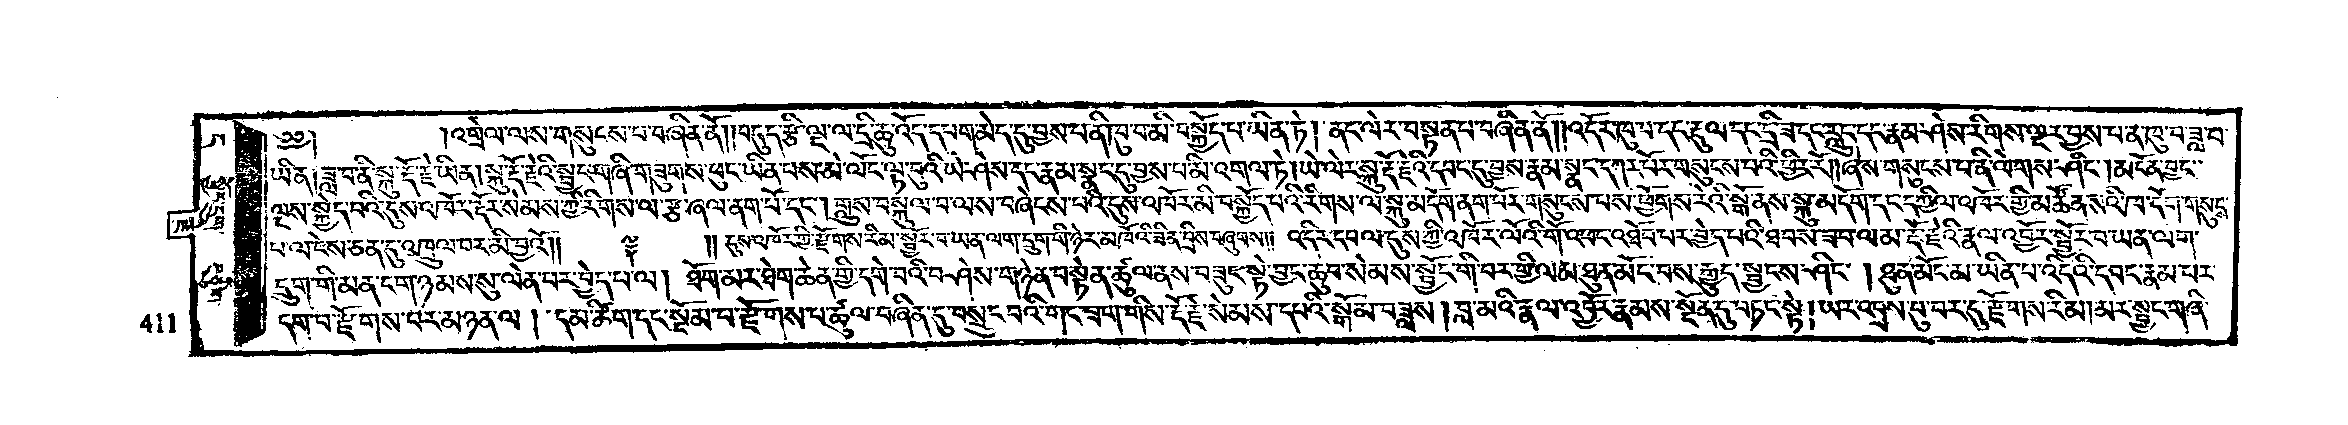༄༅། །འགྲེལ་ལས་གསུངས་པ་བཞིན་ནོ། །བདུད་རྩི་ལྔ་ལ་དྲི་ཆུ་འོད་དཔག་མེད་དུ་བྱས་པ་ནི་ཁུ་བ་མི་བསྐྱོད་པ་ཡིན་ཏེ། ནང་ལེར་བསྟན་པ་བཞིན་ནོ། །འདོར་ཁུ་བ་དང་རྡུལ་དང་དྲི་ཟ་དང་རླུང་དང་རྣམ་ཤེས་རིགས་ལྔར་བྱས་པ་ན་ཁུ་བ་ཟླ་བ་
ཡིན། ཟླ་བ་ནི་སྐུ་རྡོ་རྗེ་ཡིན། སྐུ་རྡོ་རྗེའི་སྦྱང་གཞི་གཟུགས་ཕུང་ཡིན་པས་མེ་ལོང་ལྟ་བུའི་ཡེ་ཤེས་དང་རྣམ་སྣང་དུ་བྱས་པ་མི་འགལ་ཏེ། ཡེ་ལེར་སྐུ་རྡོ་རྗེའི་དབང་དུ་བྱས་རྣམ་སྣང་དཀར་པོར་གསུངས་པའི་ཕྱིར་རོ། །ཞེས་གསུངས་པ་ནི་ལེགས་ཤིང་། མངོན་བྱང་
ལྔས་སྐྱེད་པའི་དུས་འཁོར་རྡོར་སེམས་ཀྱི་རིགས་ལ་རྩ་ཞལ་ནག་པོ་དང་། གླུས་བསྐུལ་བ་ལས་བཞེངས་པའི་དུས་འཁོར་མི་བསྐྱོད་པའི་རིགས་ལ་སྐུ་མདོག་ནག་པོར་གསུངས་པས་ཕྱོགས་རེའི་སྒོ་ནས་སྐུ་མདོག་དང་དཀྱིལ་འཁོར་གྱི་མཚོན་སའི་ཁ་དོག་གསུངས་
པ་ལ་ངེས་ཅན་དུ་འཁྲུལ་བར་མི་བྱའོ།། ༈ །། དུས་འཁོར་གྱི་རྫོགས་རིམ་སྦྱོར་བ་ཡན་ལག་དྲུག་གི་ཉེར་མཁོའི་ཟིན་བྲིས་བཞུགས།།  འདིར་དཔལ་དུས་ཀྱི་འཁོར་ལོའི་གོ་འཕང་འཐོབ་པར་བྱེད་པའི་ཐབས་ཟབ་ལམ་རྡོ་རྗེའི་རྣལ་འབྱོར་སྦྱོར་བ་ཡན་ལག་
དྲུག་གི་མན་ངག་ཉམས་སུ་ལེན་པར་བྱེད་པ་ལ། ཐོག་མར་ཐེག་ཆེན་གྱི་དགེ་བའི་བཤེས་གཉེན་བསྟེན་ཚུལ་ནས་བཟུང་སྟེ་བྱང་ཆུབ་སེམས་སྦྱོང་གི་བར་གྱི་ལམ་ཐུན་མོང་བས་རྒྱུད་སྦྱངས་ཤིང་། ཐུན་མོང་མ་ཡིན་པ་འདིའི་དབང་རྣམ་པར་
དག་པ་རྫོགས་པར་མཉན་ལ། དམ་ཚིག་དང་སྡོམ་པ་རྫོགས་པ་ཚུལ་བཞིན་དུ་བསྲུང་བའི་གང་ཟག་གིས་རྡོ་རྗེ་སེམས་དཔའི་སྒོམ་བཟླས། བླ་མའི་རྣལ་འབྱོར་རྣམས་སྔོན་དུ་བཏང་སྟེ། ཡར་འབྲས་བུ་བར་དུ་རྫོགས་རིམ། མར་སྦྱང་གཞི་